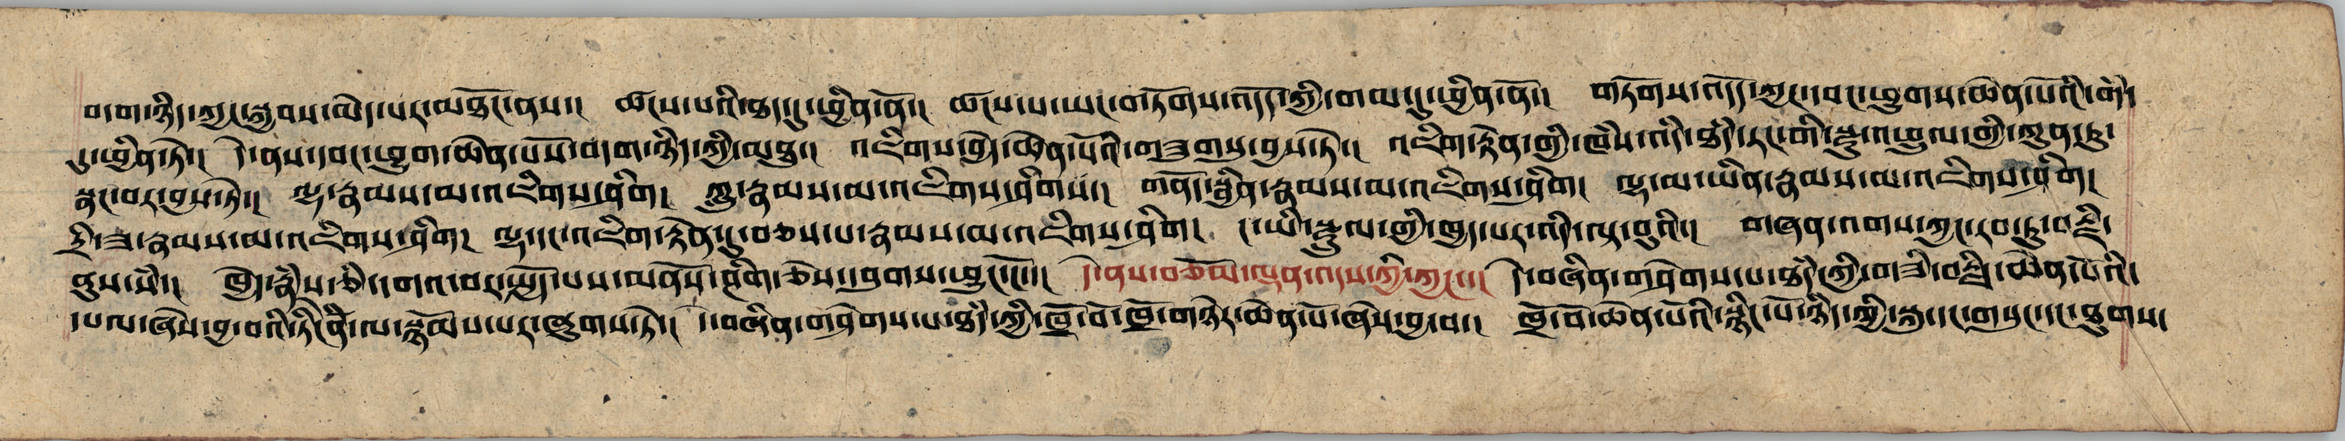བདག་ཉིད་ཀྱང་སྐྱབས་མེད་པར་མཐོང་ནས་། ཚངས་པའི་ཐད་དུ་ཕྱིན་ནོ་། ཚངས་པ་ཡང་གཏོགས་འདོད་ཀྱི་གམ་དུ་ཕྱིན་ནོ་། གཏོགས་འདོད་ཀྱང་དབང་ཕྱུགས་ཆེན་པོའི་གཾ་
དུ་ཕྱིན་ཏེ་། དེ་ནས་དབང་ཕྱུག་ཆེན་པོས་བདག་ཉིད་ཀྱི་མཐུ་། འཇིགས་བྱེད་ཆེན་པོའི་གཟུགསུ་བྱས་ཏེ་། འཇིག་རྟེན་གྱི་ཁཾས་འདི་ཐདཾ་རང་གི་སྫུ་འཕྲུལ་གྱི་ཀུན་ཏུ་
སྣང་བར་བྱས་ཏེ་། ལྷ་རྣམས་མ་འཇིགས་ཤིག། ཀླུ་རྣམས་མ་འཇིགས་ཤིགས་། གནོད་སྦྱིན་རྣམས་མ་འཇིགས་ཤིག། ལྷ་མ་ཡིན་རྣམས་མ་འཇིགས་ཤིག།
དྲི་ཟ་རྣམས་མ་འཇིགས་ཤིག། ལྷ་དང་འཇིག་རྟེན་དུ་བཅས་པ་རྣམས་མ་འཇིགས་ཤིག། ང་ཡི་སྫྲུལ་གྱི་ཁྱད་པར་འདི་ལྟ་བུའི་། གཞན་འགས་ཀྱང་རབ་ཏུ་བརྫི་
ནུས་སཾ་། ཁྱེད་རྣཾས་ཅི་དགའ་བར་སྤྱོད་པས་མནོས་ཤིག་ཅེས་དབུགས་ཕྱུང་ངོ་་། དེ་ནས་བཅོམ་ལྡན་འདས་ཀྱི་ཀྱང་་། དེ་བཞིན་གཤེགས་པ་ཐཾད་ཀྱི་གཟི་བརྗིད་ཆེན་པོའི་
དཔལ་ཞེས་བྱ་བའི་ཏིངེིན་ལ་སྙོམས་པར་ཞུགས་ཏེ་། དེ་བཞིན་གཤེགས་པ་ཐཾད་ཀྱི་ཁྲོ་བོ་ཁྲོ་གཉེར་ཆེན་པོ་ཞེས་བྱ་བ་། ཁྲོ་བོ་ཆེན་པོའི་སྙིང་པོ་ཉིད་ཀྱི་སྐུ་དང་གསུང་དང་ཐུགས་